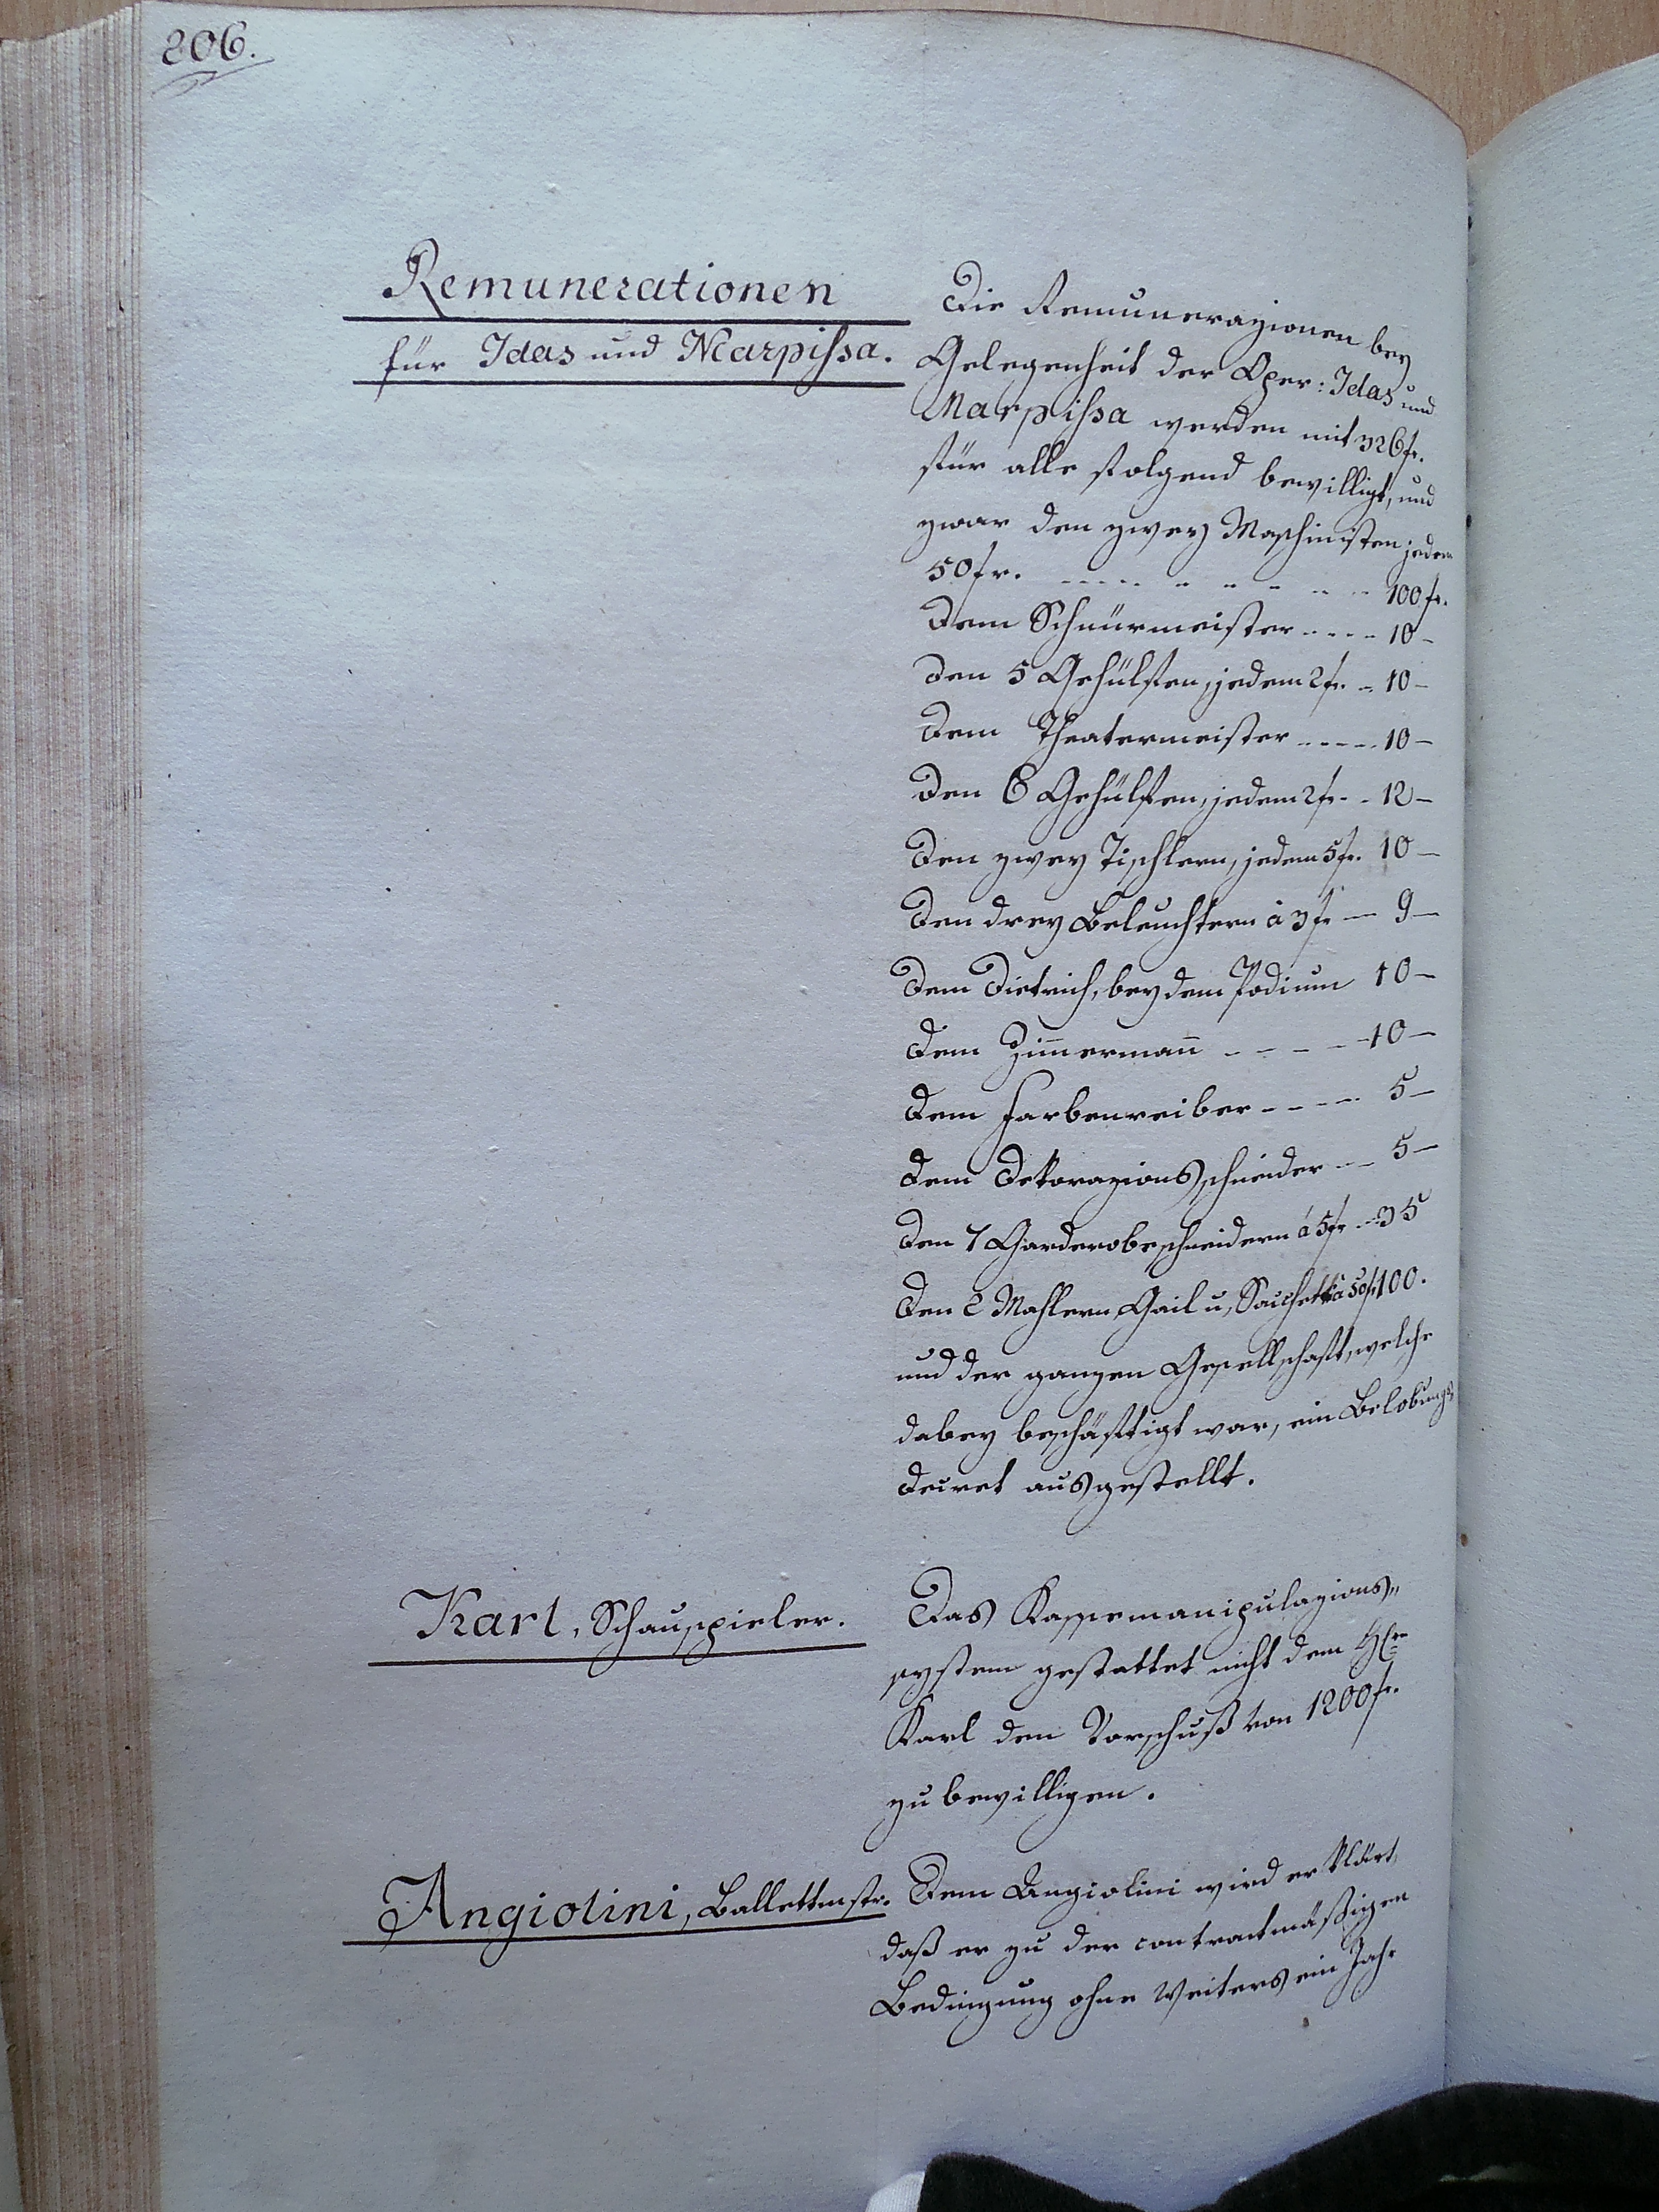206.
Remunerationen
für Idas und Marpissa.
Die Remunerazionen bey
Gelegenheit der Oper: Idas und
Marpissa werden mit 326fr.
für alle folgend bewilligt, und
zwar den zwey Maschinisten jedem
50fr. ..... .. .. .. .. .. 100fr.
Dem Schnürmeister .. .. . .. 10 -
Den 5 Gehülfen, jedem 5fr .. 10 -
Dem Theatermeister .. . .. .. . 10 -
Den 6 Gehülfen, jedem 2fr. . 12 -
Den zwey Tischlern, jede8 5fr. 10 -
Den drey Beleuchtern à 3fr .... 9 -
Ve Dietichbeyden Podiun 10.
Dem Zim̅erman̅ .. .. .. .. .. 10 -
Dem Farbenreiber .. .. .. ... 5 -
Dem Dekorazionsschneider ....5 -
Den 7 Garderobescheidern à 5fr ...35
Den 2 Mahlern Gail u, Sacchetti à fr100.
und der ganzen Gesellschaft, welche
dabey beschäftigt war, ein Belobungs¬
decret ausgestellt.
Karl, Schauspieler. Das Kassemanipulazions¬
system gestattet nicht dem HEr͇n
Karl den Vorschuß von 1200fr.
zu bewilligen.
Angiolini, Ballettmstr. Dem Angiolini wird erklärt,
daß er zu der contractmäßigen
Bedingung ohne Weiters ein Jahr